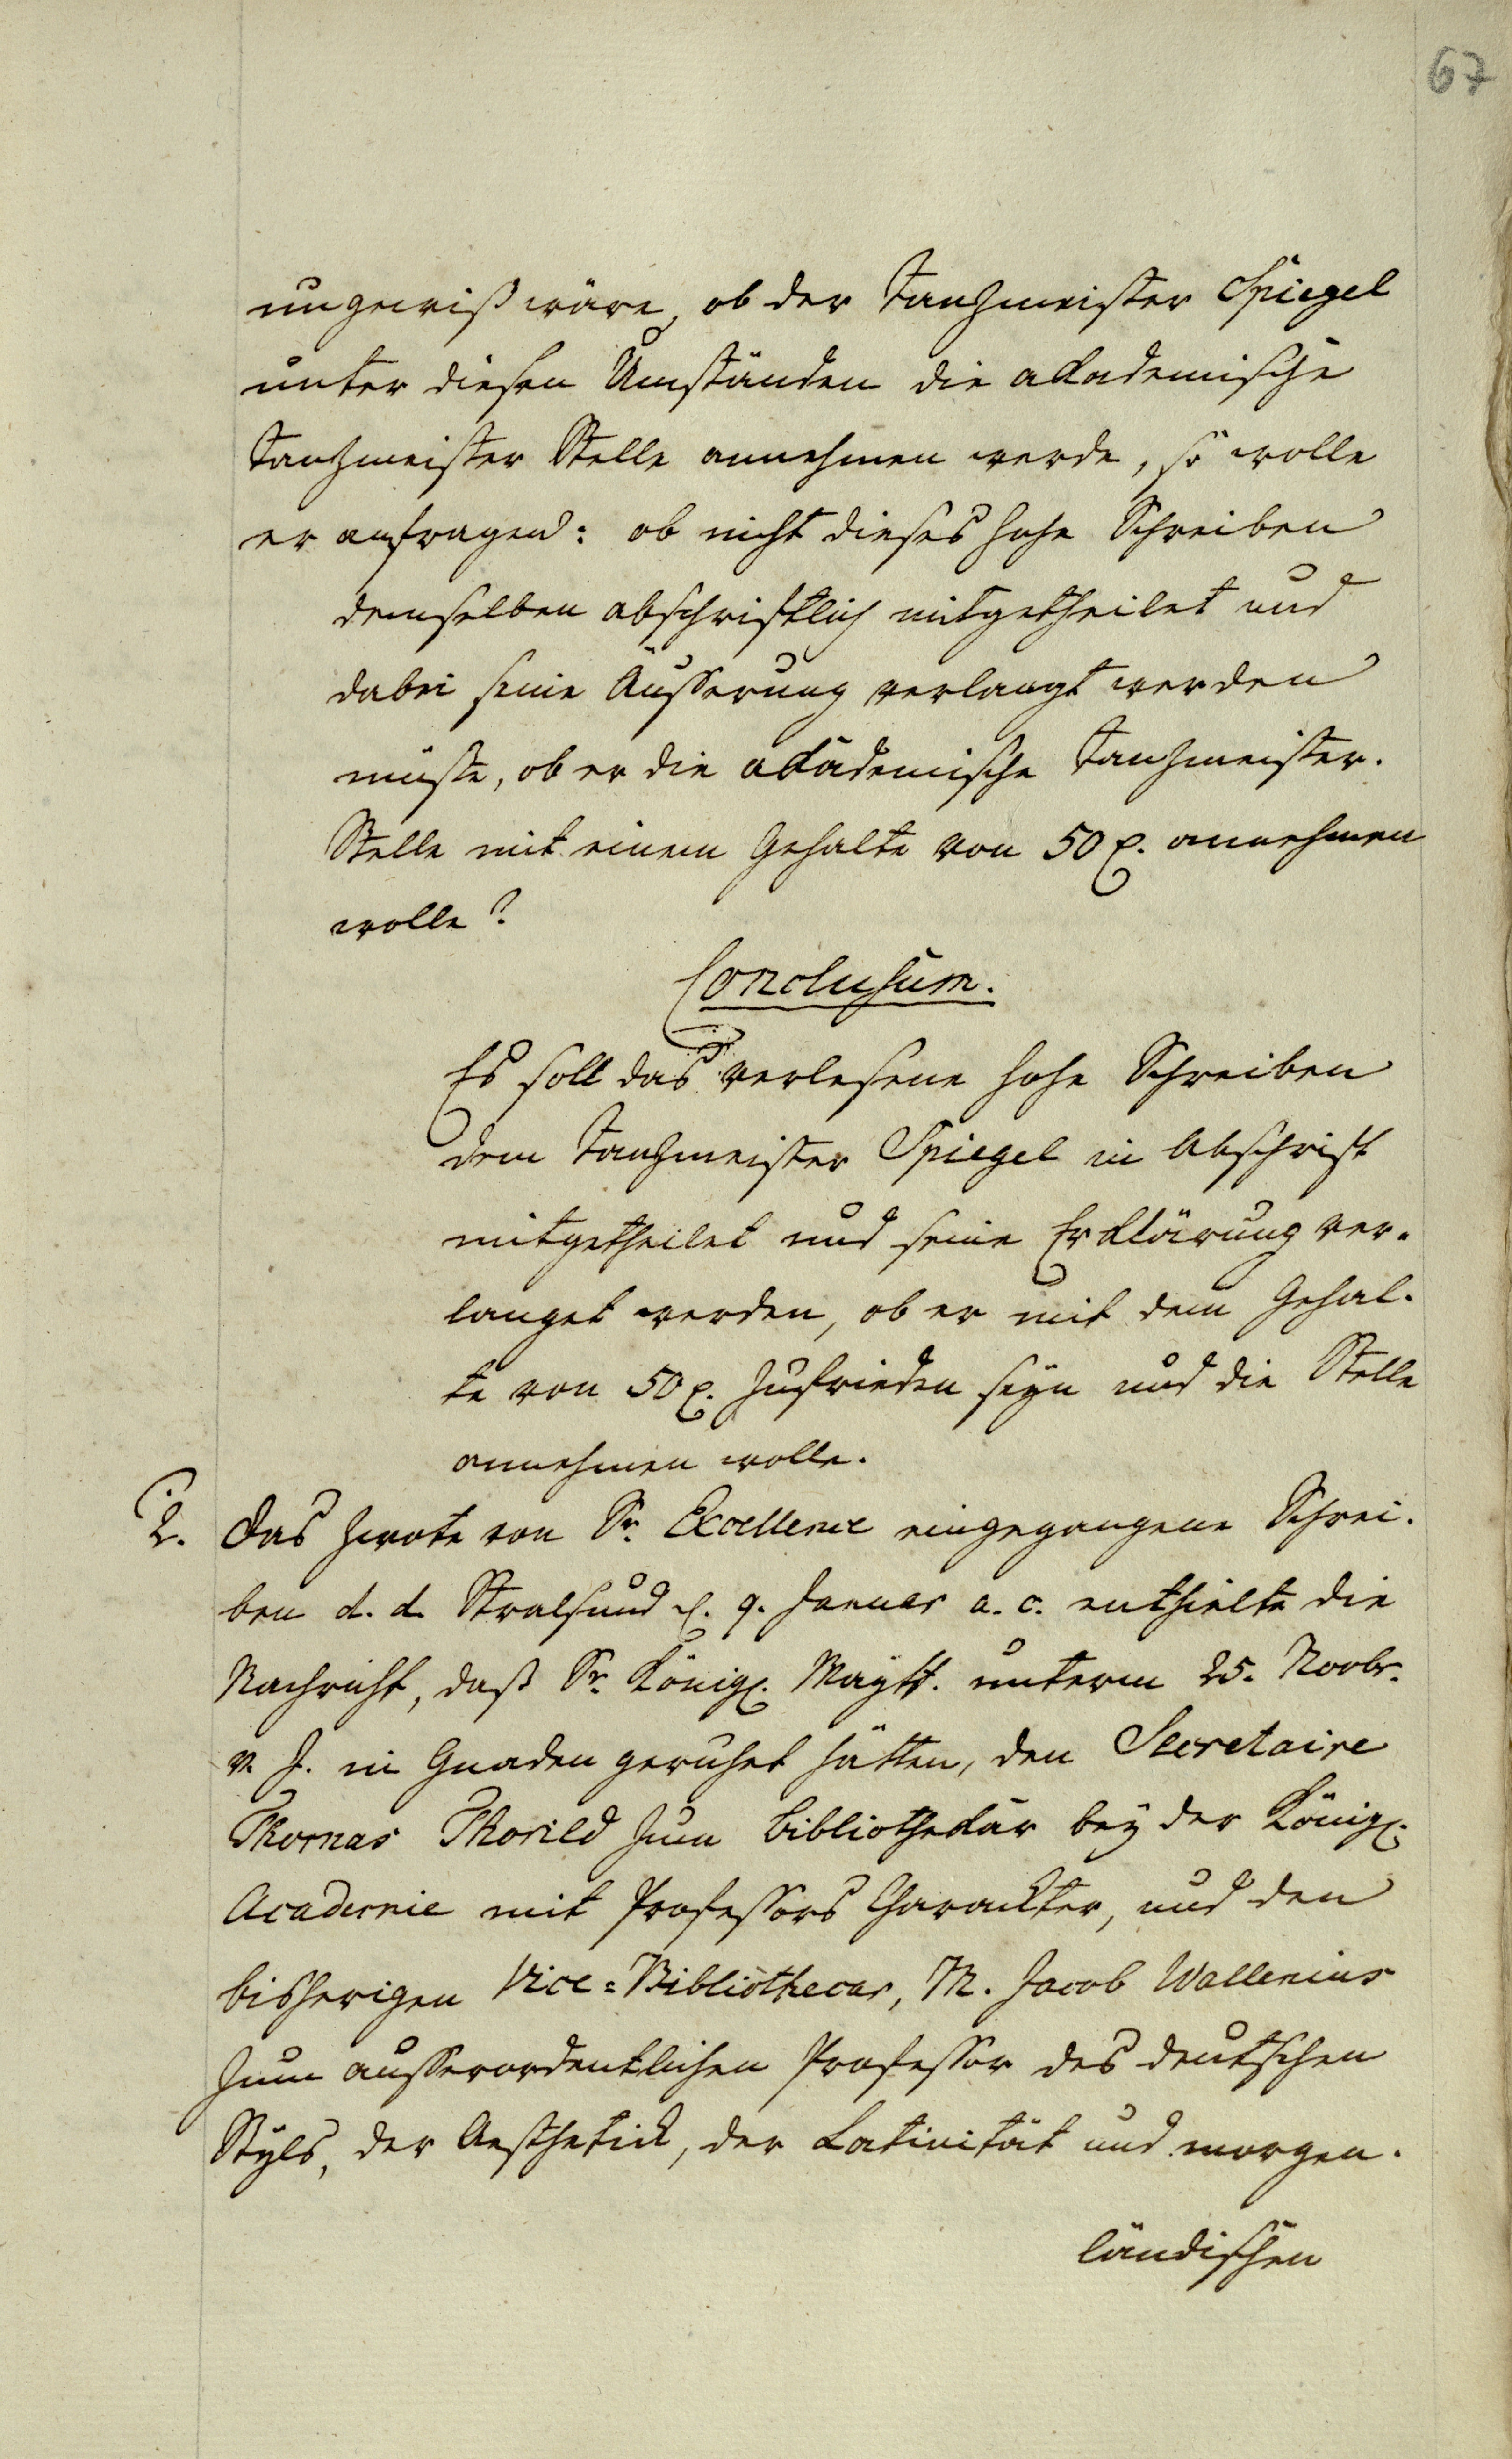ungewiß wäre, ob der Tanzmeister Spiegel
unter diesen Umständen die akademische
Tanzmeister Stelle annehmen werde, so wolle
er anfragen: ob nicht dieses hohe Schreiben
demselben abschriftlich mitgetheilet und
dabei seine Äusserung verlangt werden
müsste, ob er die akademische Tanzmeister¬
Stelle mit einem Gehalte von 50 l. annehmen
wolle?
Conclusum.
Es soll das verlesene hohe Schreiben
dem Tanzmeister Spiegel in Abschrift
mitgetheilet und seine Erklärung ver¬
langet werden, ob er mit dem Gehal¬
te von 50 l. zufrieden seÿn und die Stelle
annehmen wolle.
2. Das zwote von Sr. Excellence eingegangene Schrei¬
ben d. d. Stralsund d. 9. Januar a. c. enthielte die
Nachricht, daß Sr Königl. Maÿtt. unterm 25. Novbr.
v. J. in Gnaden geruhet hätten, den Secretaire
Thomas Thorild zum Bibliothekar beÿ der Königl.
Academie mit Professors Charackter, und den
bisherigen Vice Bibliothecar, M. Jacob Wallenius
zum ausserordentlichen Professor des deutschen
Stÿls, der Aesthetick, der Latinität und morgen¬
ländischen